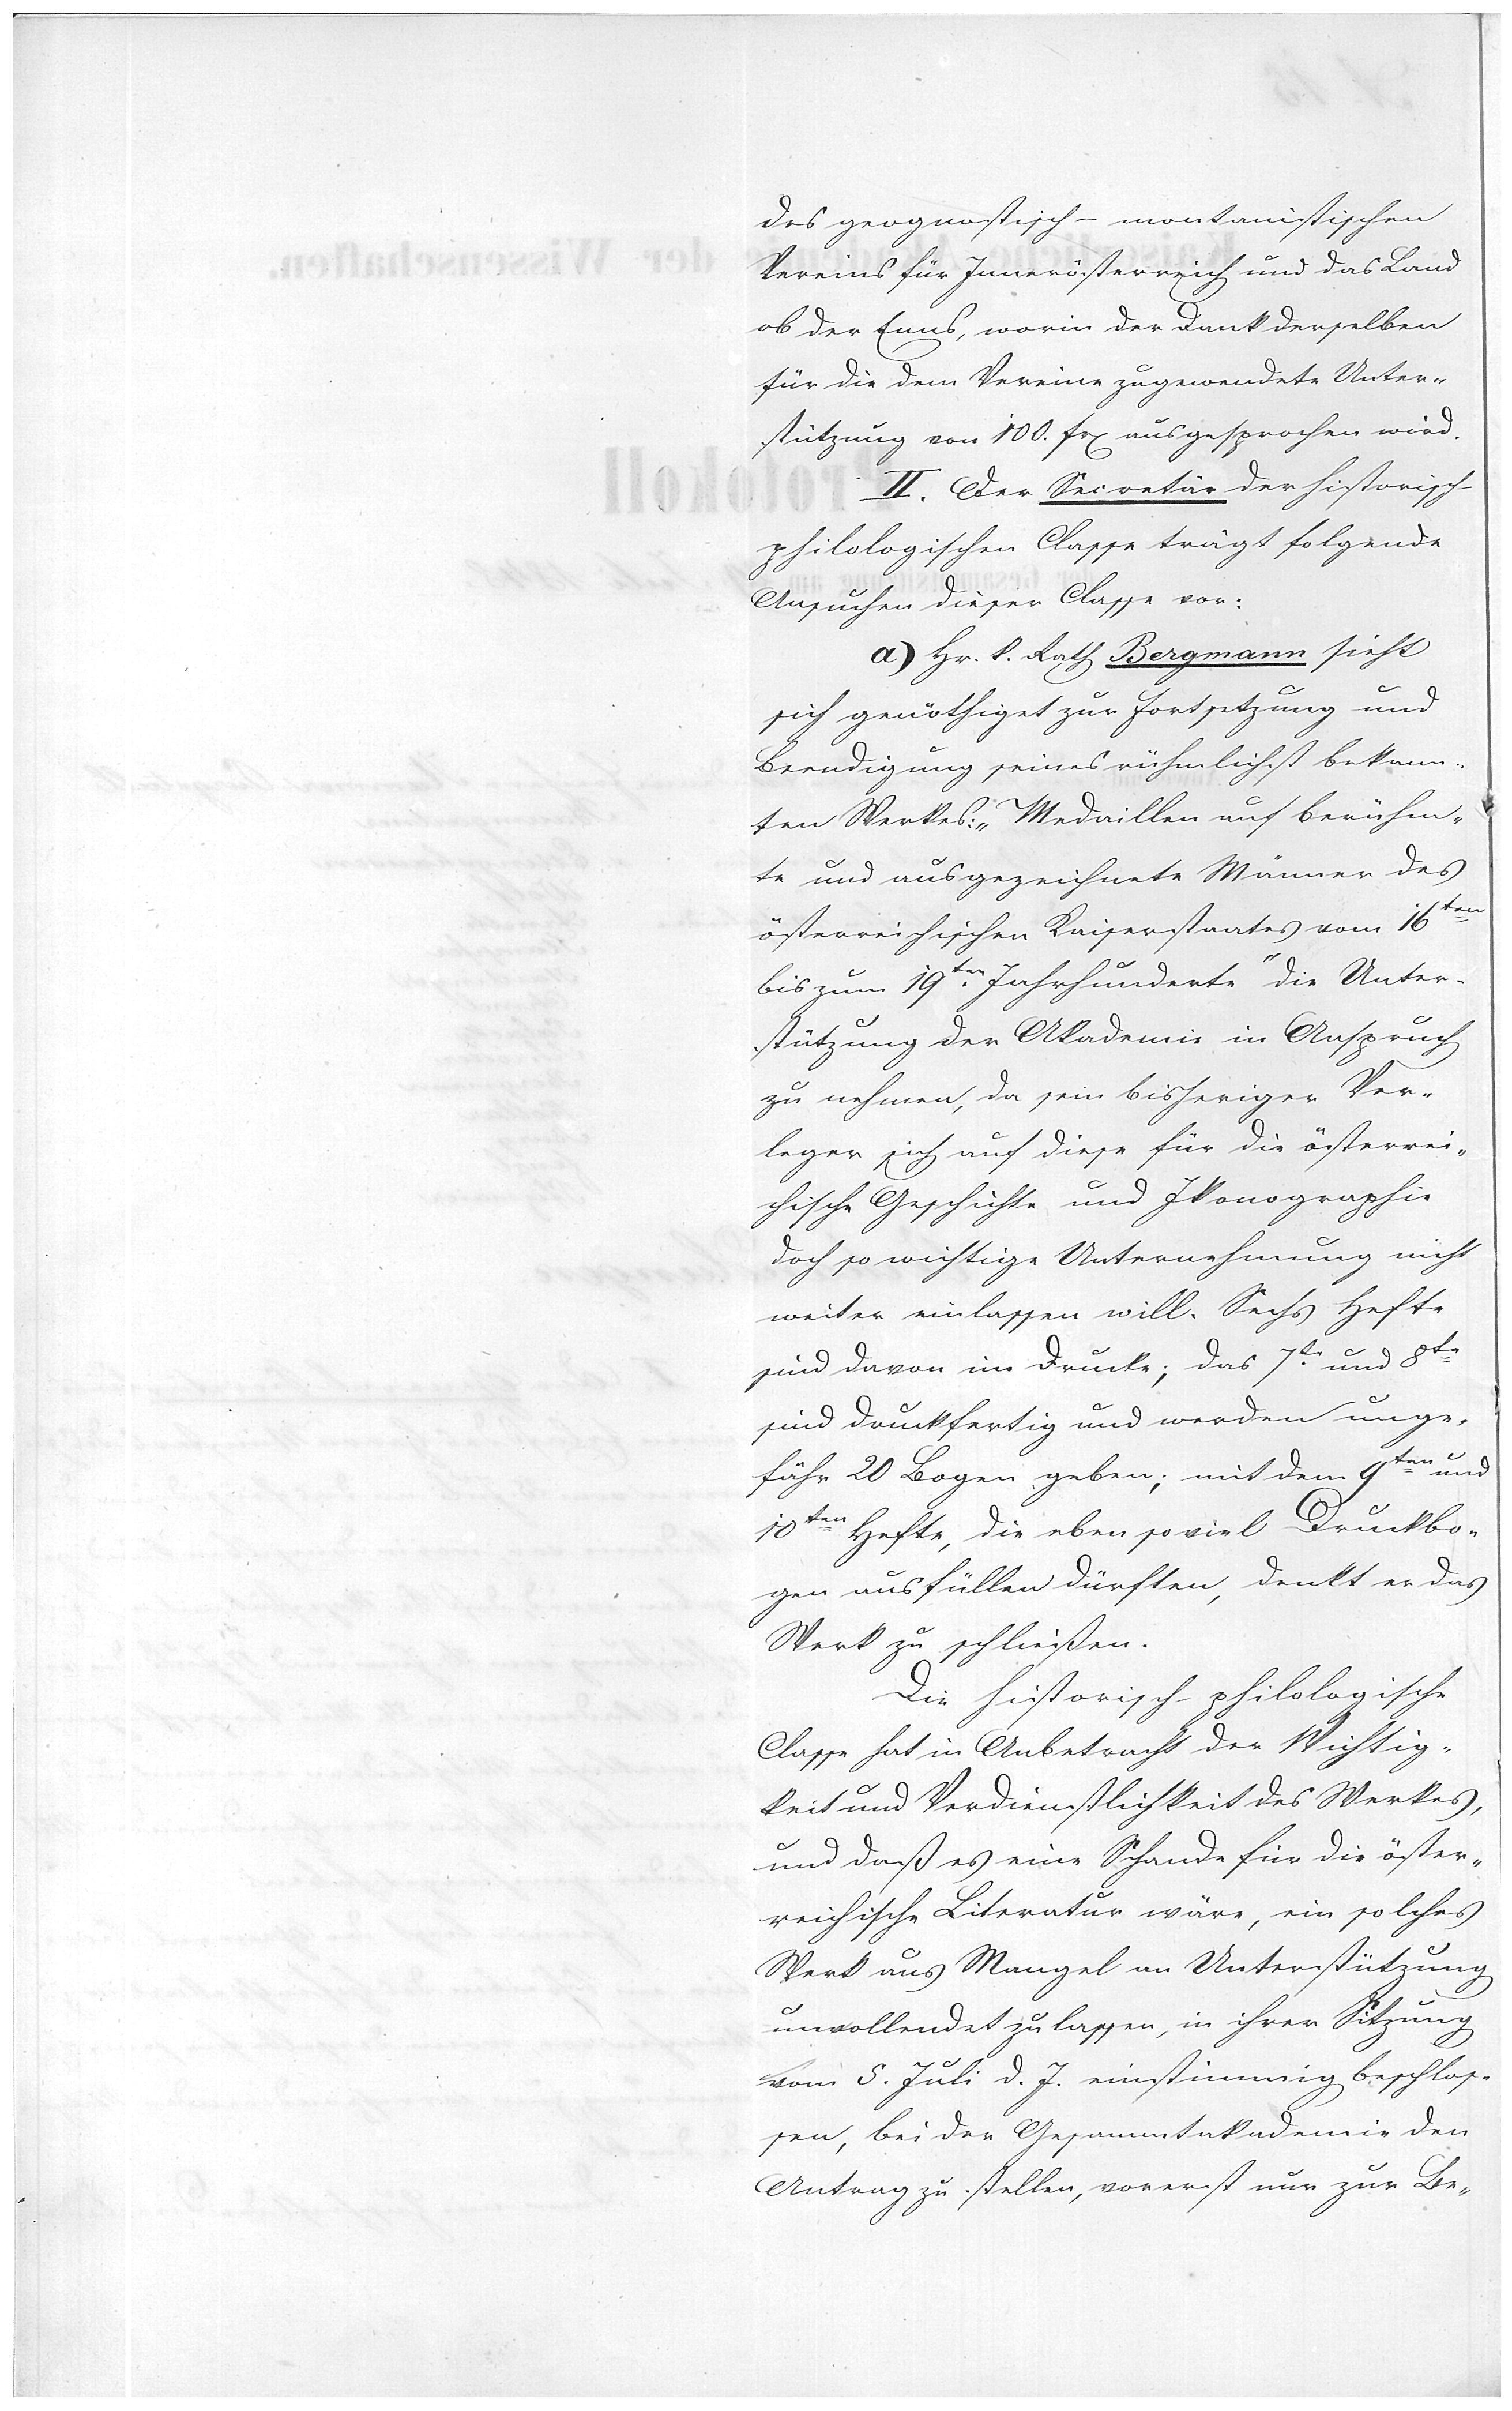des geognostisoch-montanistischen
Vereins für Innerösterreich und das Land
ob der Enns, worin der dank derselben
für die dem Vereine zugewendete Unter-
stützung von 100 fl ausgesprochen wird.
II. Der Secretär der historisch-
philologischen. Classe trägt folgende
Ansuchen dieser Classe vor:
a) Hr. K. Rath Bergmann sieht
sich genöthiget zur Fortsetzung und
Beendigung seines rühmlichst bekann-
ten Werkes: "Medaillen auf berühm-
te und ausgezeichneter Männer des
österreichischen Kaiserstaates vom 16ten
bis zum 19ten Jahrhunderte" die Unter-
stützung der Akademie in Anspruch
zu nehmen, da sein bisheriger Ver-
leger sich auf diese für die österrei-
chische Geschichte und Ikonographie
doch so wichtigen Unternehmung nicht
weiter einlassen will. Sechs Hefte
und davon im Druck; das 7te und 8te
sind druckfertig und werden unge-
fähr 20 Bogen geben; mit dem 9ten und
10ten Hefte, die eben soviel Druckbo-
gen ausfüllen dürften, denkt er das
Werk zu schließen.
Die historisch-philologische
Classe hat in Anbetracht der Wichtig-
keit und Verdienstlichkeit des Werkes,
und daß es eine Schande für die öster-
reichische Literatur wäre, ein solches
Werk aus Mangel an Unterstützung
unvollendet zu lassen, in ihrer Sitzung
von 5. Juli d. J. einstimmig beschlos-
sen, bei der Gesammtakademie den
Antrag zu stellen, vorerst nur zur Be-